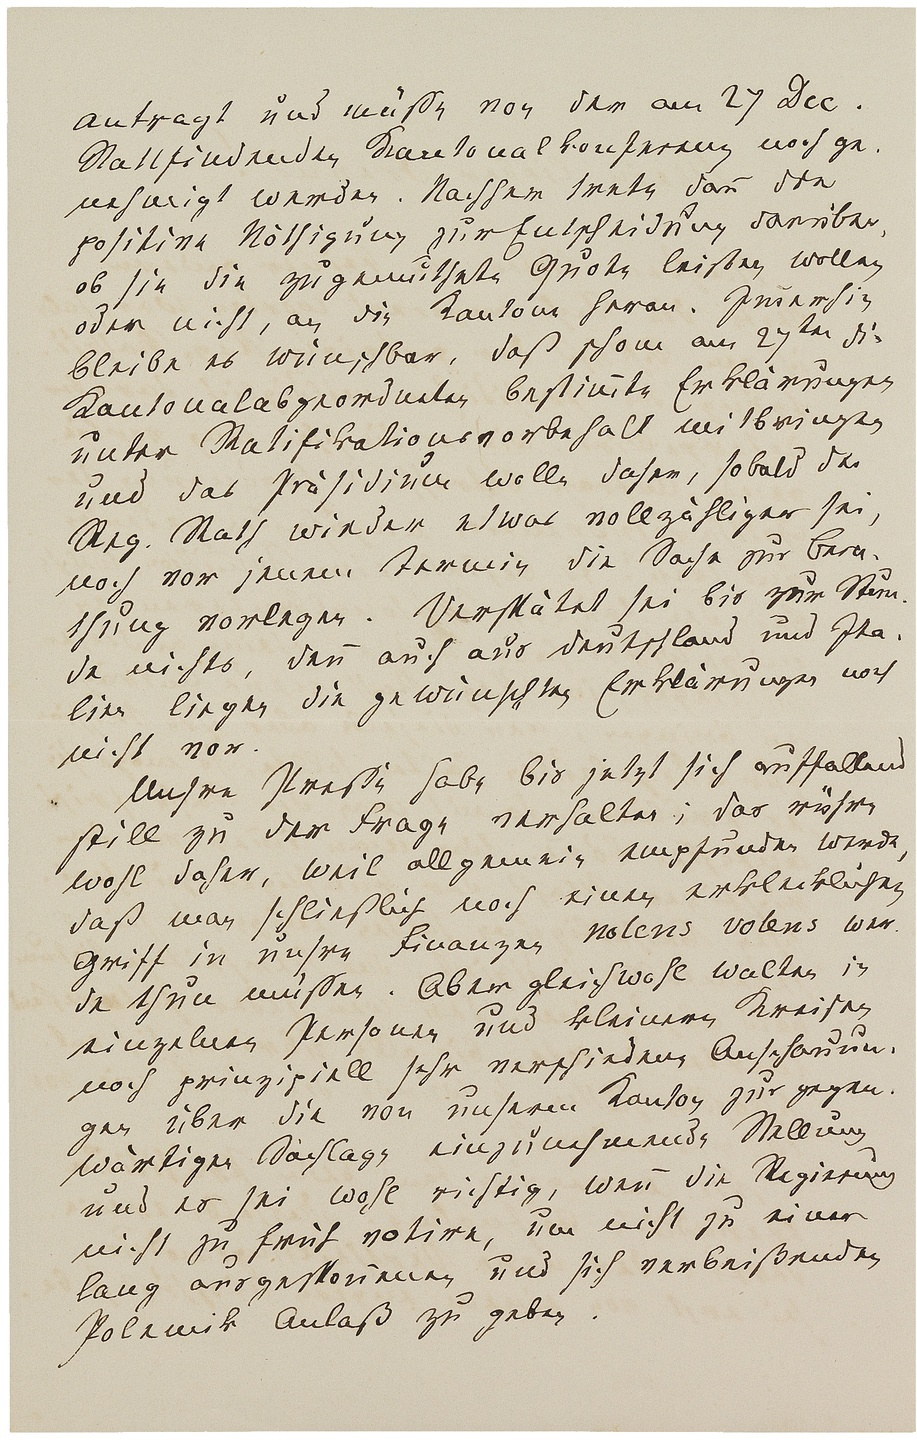antragt und müße von der am 27 Dec .
Stattfindenden Kantonalkonferenz noch ge-
nehmigt werden. Nachher trete dann die
positive Nöthigung zur Entscheidung darüber,
ob sie die zugemuthete Quote leisten wollen
oder nicht, an die Kantone heran. Immerhin
bleibe es wünschbar, daß schon am 27ten die
Kantonalabgeordneten bestimmte Erklärungen
unter Ratifikationsvorbehalt mitbringen
und das Präsidium wolle daher, sobald der
Reg.Rath wieder etwas vollzähliger sei,
noch vor jenem Termin die Sache zur Bera-
thung vorlegen. Verspätet sei bis zur Stun-
de nichts, denn auch aus Deutschland und Ita-
lien liegen die gewünschten Erklärungen noch
nicht vor.
Unsre Presse habe bis jetzt sich auffallend
still zu der Frage verhalten; das rühre
wohl daher, weil allgemein empfunden werde,
daß man schließlich noch einen erklecklichen
Griff in unsre Finanzen nolens volens wer-
de thun müssen. Aber gleichwohl walten in
einzelnen Personen und kleinern Kreisen
noch prinzipiell sehr verschiedene Anschauun-
gen über die von unserm Kanton zur gegen-
wärtigen Sachlage einzunehmende Stellung
und es sei wohl richtig, wenn die Regierung
nicht zu früh votire, um nicht zu einer
lang ausgesponnenen, und sich verbeißenden
Polemik Anlaß zu geben.